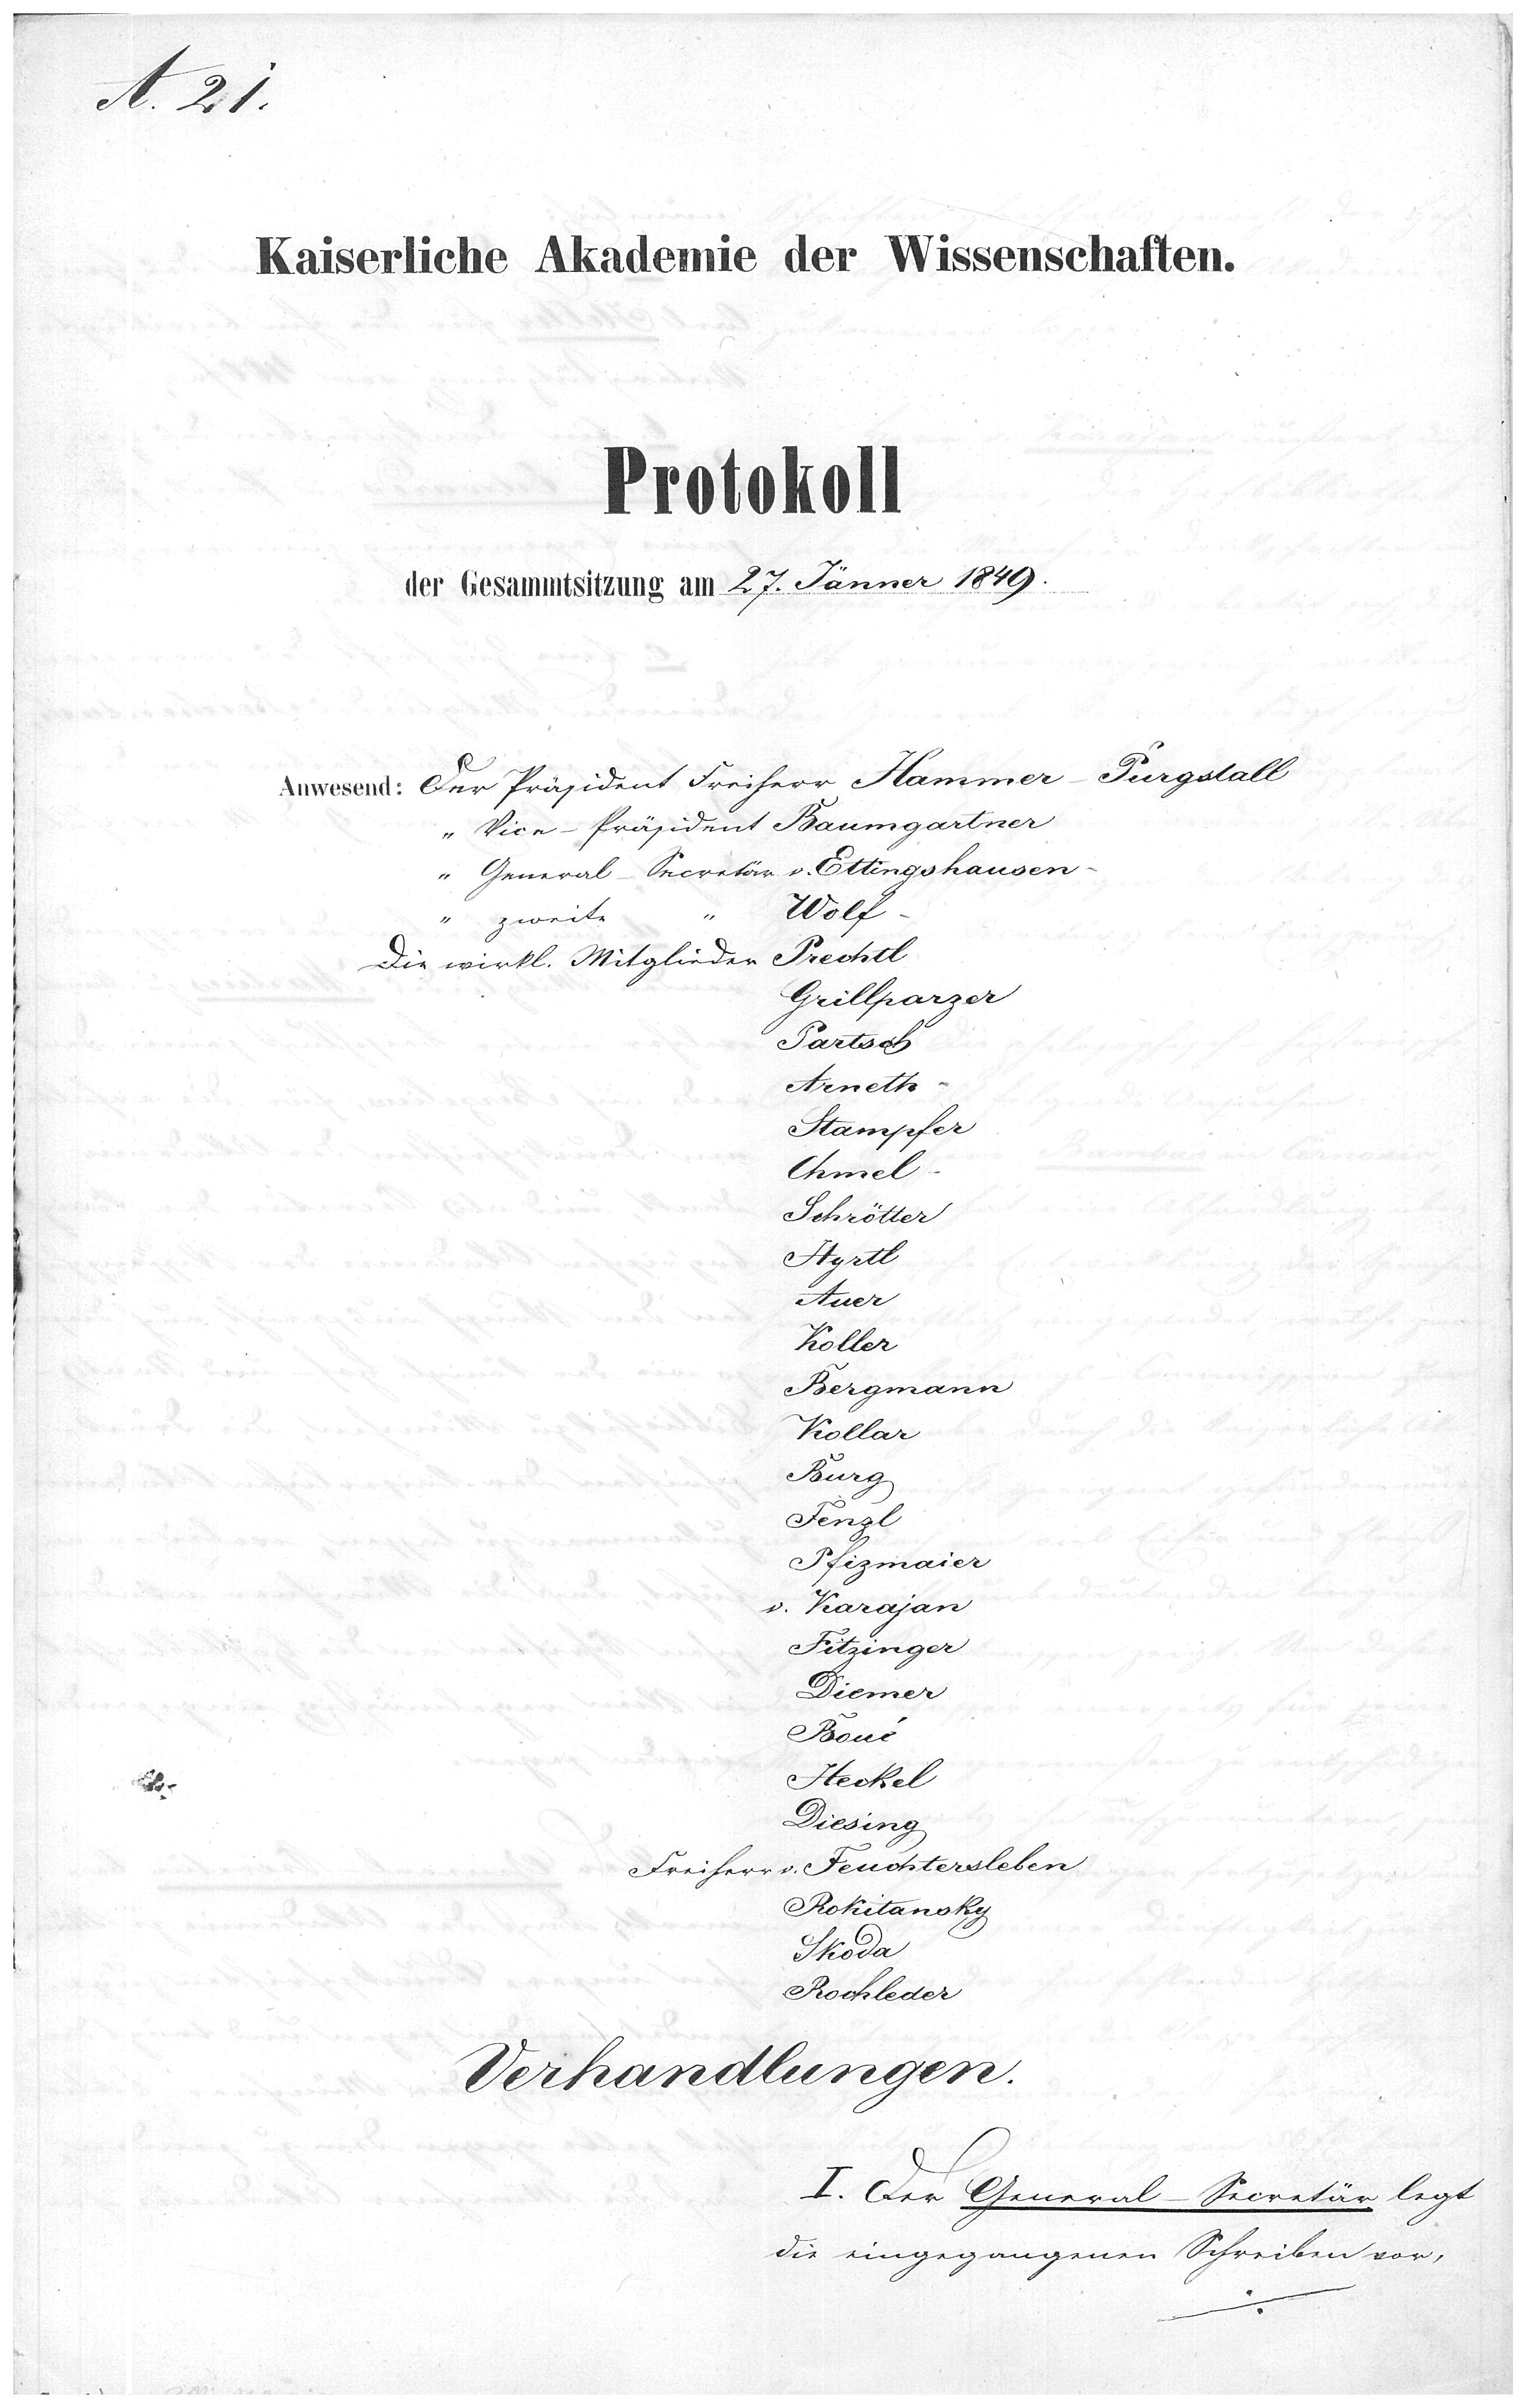A. 21.
Kaiserliche Akademie der Wissenschaften.
Protokoll
der Gesammtsitzung am 27. Jänner 1849
Der Präsident Freiherr Hammer-Purgstall
Anwesend:
" Vice-Präsident Baumgartner
" General-Secretär v. Ettingshausen
" zweite " Wolf
Die wirkl. Mitglieder
Prechtl
Grillparzer
Partsch
Arneth
Stampfer
Chmel
Schrötter
Hyrtl
Auer
Koller
Bergmann
Kollar
Burg
Fenzl
Pfizmaier
v. Karajan
Fitzinger
Diemer
Boué
Heckel
Diesing
Freiherr v. Feuchtersleben
Rokitansky
Skoda
Rochleder
Verhandlungen.
I. Der General-Secretär legt
die eingegangenen Schreiben vor,